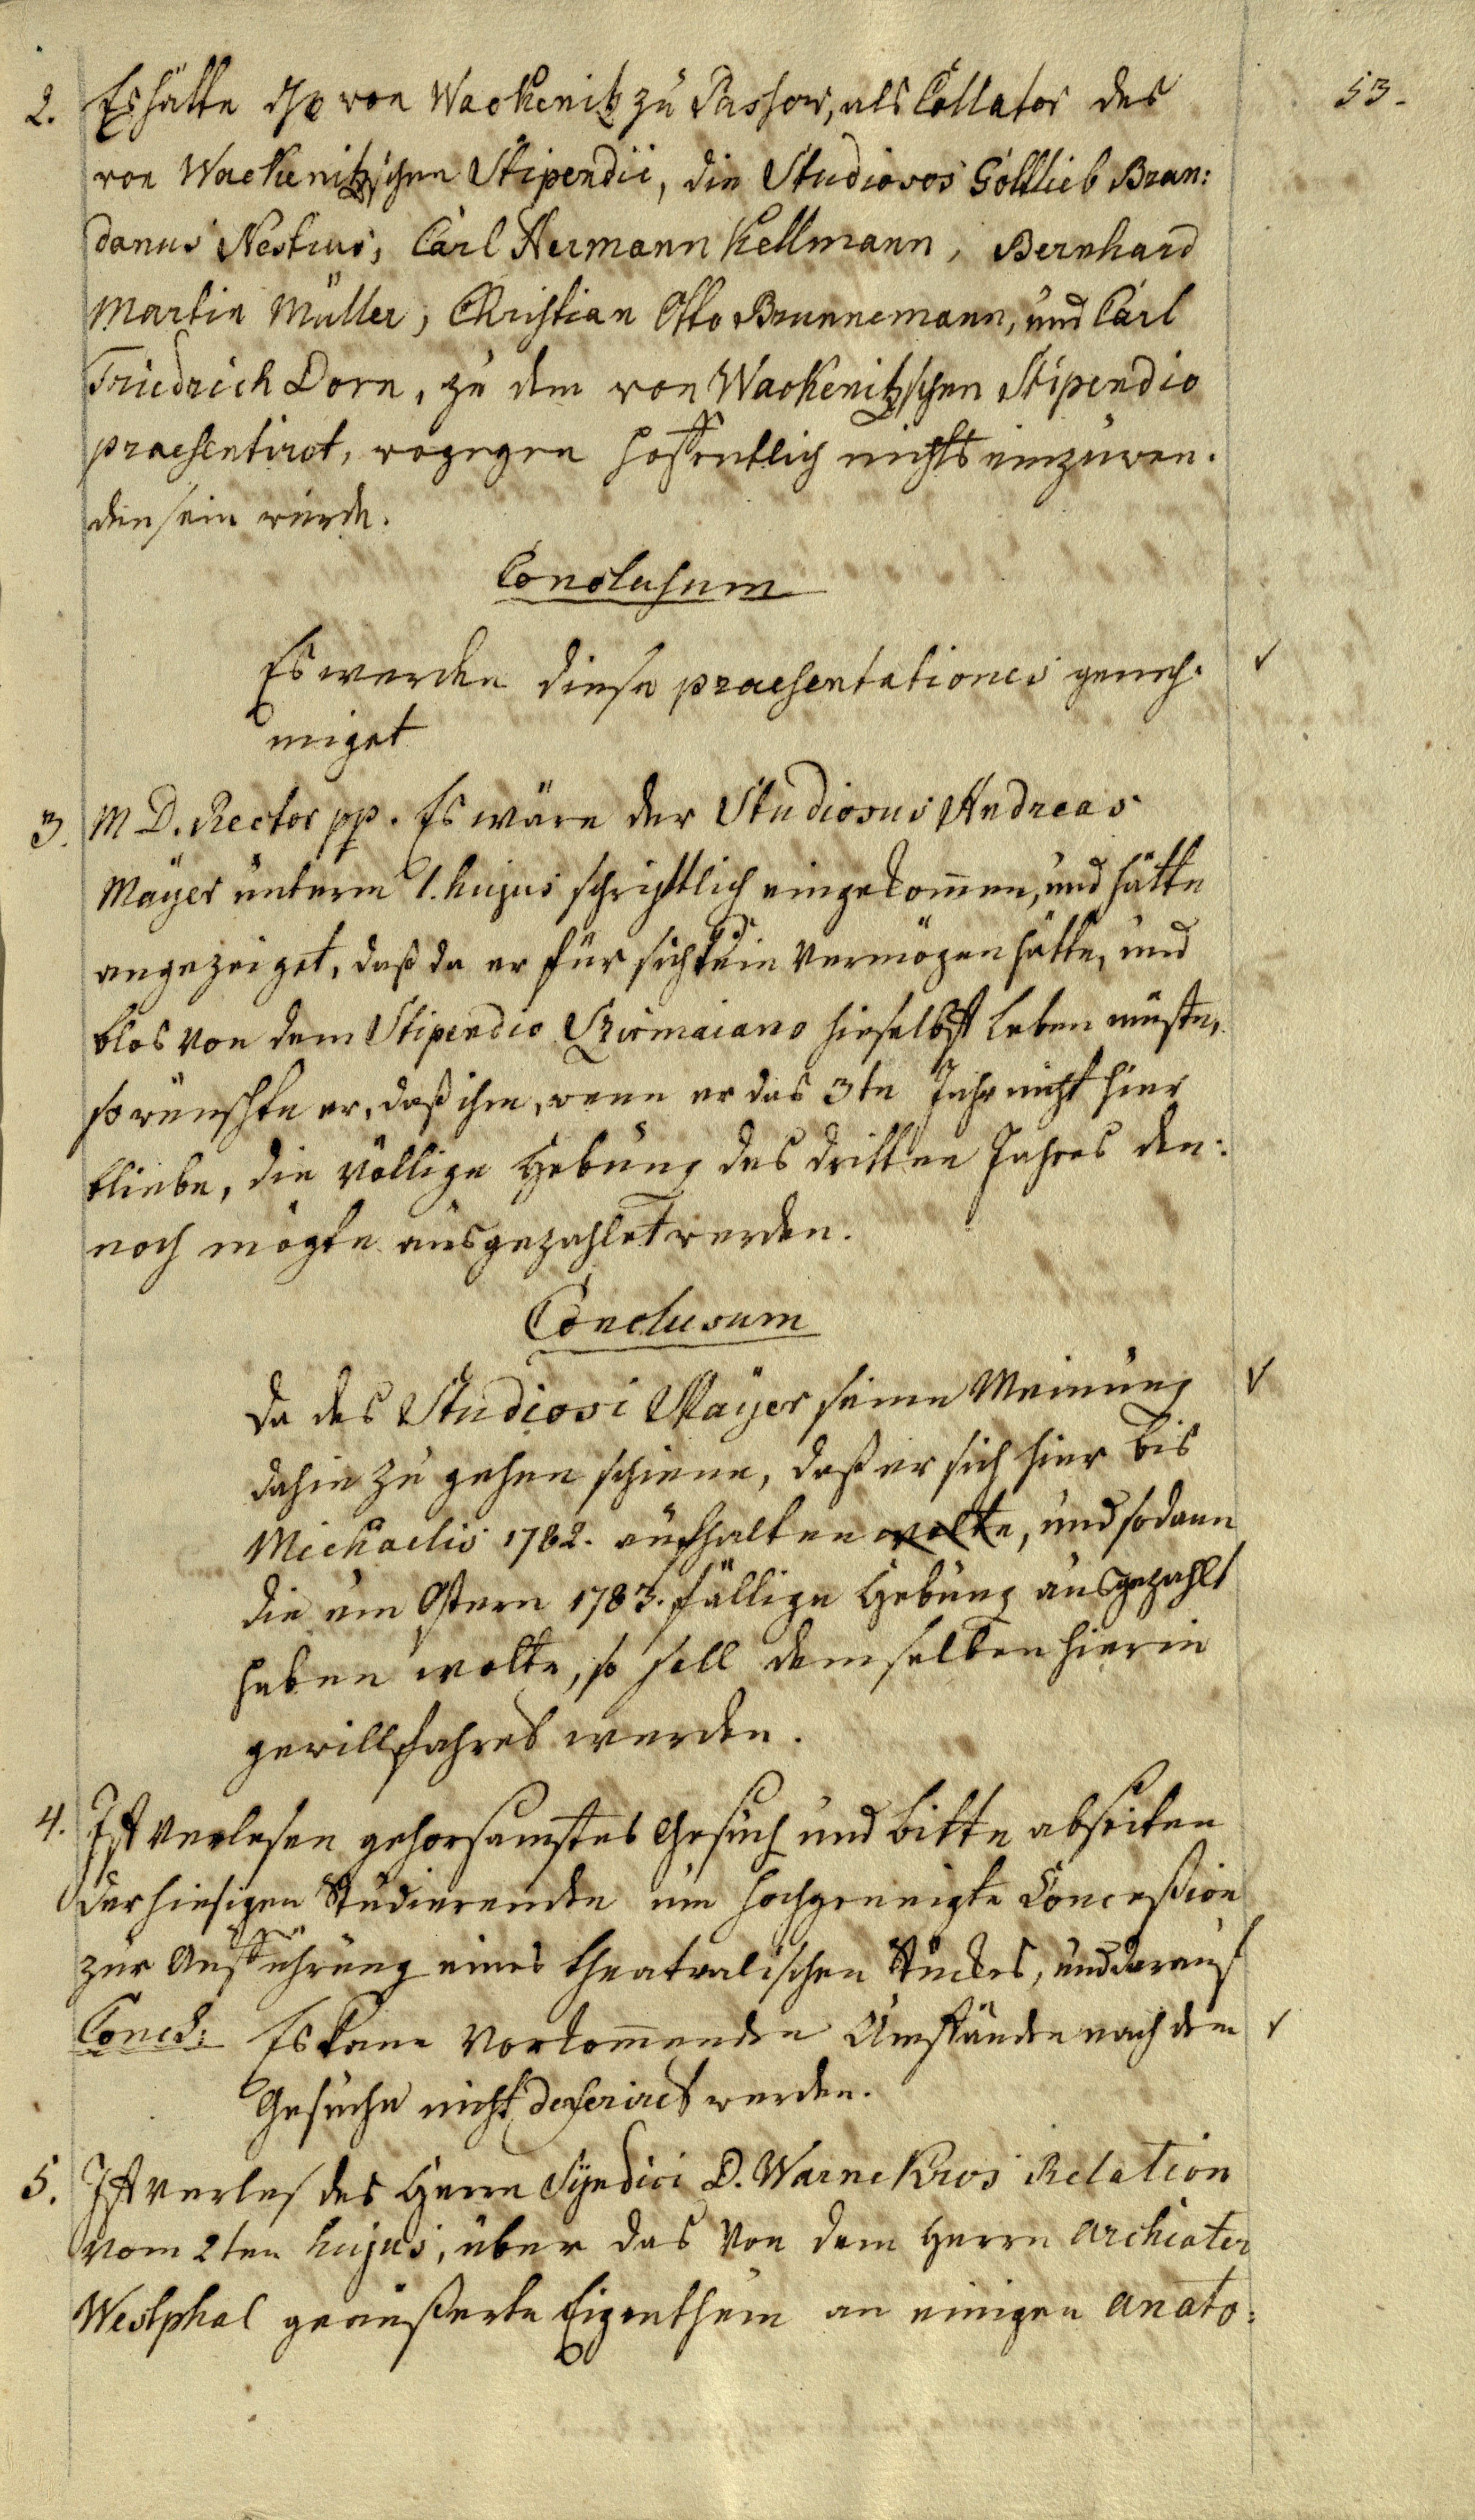2. Es hätte dh von Wackenitz zu Passow, als Collator des
von Wackenitzschen Stipendii, die Studiosos Gottlieb Bran¬
danus Nestius, Carl Hermann Kellmann, Bernhard
Martin Müller, Christian Otto Brunnemann, und Carl
Friedrich Dorn, zu dem von Wackenitzschen Stipendio
praesentiret, wogegen hoffentlich nichts einzuwen¬
den sein würde.
Conclusum
Es werden diese praesentationes geneh¬
miget.
3. M. D. Rector pp. Es wäre der Studiosus Andreas
Maÿer unterm 1. hujus schriftlich eingekomen, und hätte
angezeiget, daß da er für sich kein Vermögen hätte, und
blos von dem Stipendio Szirmaiano hieselbst leben müste,
so wünschte er, daß ihm, wenn er das 3 te Jahr nicht hier
bliebe, die völlige Hebung des dritten Jahres den¬
noch mögte ausgezahlet werden.
Conclusum
Da des Studiosi Maÿer seine Meinung
dahin zu gehen schiene, daß er sich hier bis
Michaelis 1782 . aufhalten, und sodann
die um Ostern 1783. fällige Hebung ausgezahlt
haben wolte, so soll dem selben hierin
gewillfahret werden.
4. Ist verlesen, gehorsamstes Gesuch und Bitte abseiten
der hiesigen Studierenden um hochgeneigte Conceßion
zur Aufführung eines theatralischen Stückes, und darauf
Concl. Es kann vorkomenden Umständen nach dem
Gesuche nicht deferiret werden.
5. Ist verles des Herrn Sÿndici D. Warnekros Relation
vom 2ten hujus, über das von dem Herrn Archiater
Westphal geäußerte Eigenthum an einigen anato¬